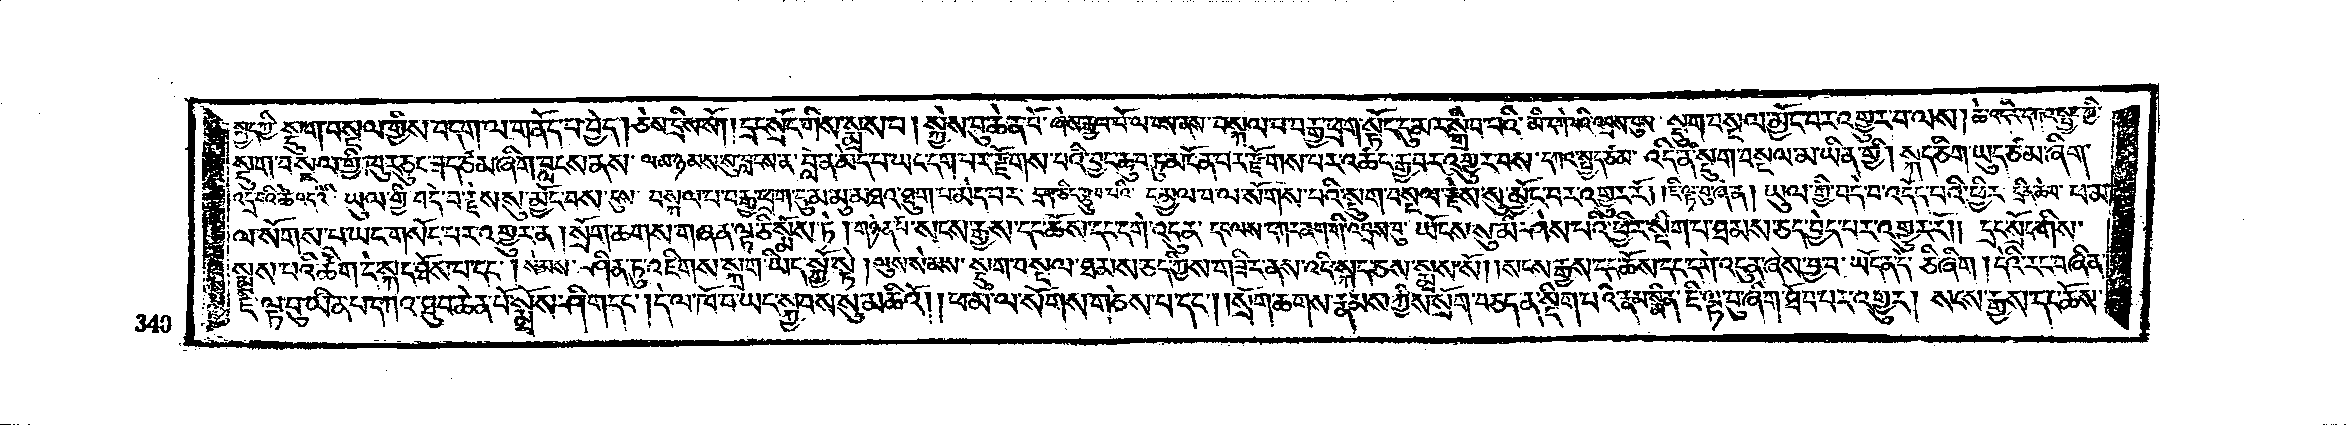སྤྱད་ཀྱི་སྡུག་བསྔལ་གྱིས་བདག་ལ་གནད་པ་བྱེད། ཅེས་དྲིས་སོ། །དྲང་སྲོང་གིས་སྨྲས་པ། སྐྱེས་བུ་ཆེན་པོ་ཞེས་རྒྱལ་པོ་ལ་བས་ནས་བསྐལ་པ་བརྒྱ་ཕྲག་སྟོང་དུ་མར་སྒིབ་པའི་མི་དགེ་བའི་འབྲས་བུས་སྡུག་བསྔལ་མྱོང་བར་འགྱུར་བ་ལས། ཆེ་འདིར་དཀའ་སྤྱད་ཀྱི
སྡུག་བསྔལ་གྱི་ཁུར་ཅུང་ཟད་ཙམ་ཞིག་བླངས་ནས་ལམ་ཉམས་སུ་བླངས་ན་བླ་ན་མེད་པ་ཡང་དག་པར་རྫོགས་པའི་བྱང་ཆུབ་ཏུ་མངོན་པར་རྫོགས་པར་འཚང་རྒྱ་བར་འགྱུར་བས་དཀའ་སྤྱད་ཙམ་འདི་ནི་སྡུག་བསྔལ་མ་ཡིན་གྱི། སྐད་ཅིག་ཡུད་ཙམ་ཞིག་
འདྲ་བའི་ཚེ་འདིའི་ཡུལ་གྱི་བདེ་བ་རྗེས་སུ་མྱོང་བས་དུས་བསྐལ་པ་བརྒྱ་ཕྲག་དུ་མ་མུ་མཐའ་ཐུག་པ་མེད་པར་དྲག་ཅིང་རྩུབ་པའི་དམྱལ་བ་ལ་སོགས་པའི་སྡུག་བསྔལ་རྗེས་སུ་མྱོང་བར་འགྱུར་རོ། །ཇི་ལྟ་བུ་ཞེ་ན། ཡུལ་གྱི་བདེ་བ་འདོད་པའི་ཕྱིར་དྲིན་ཆེ་བ་ཕ་མ་
ལ་སོགས་པ་ཡང་གསང་པར་འགྱུར་ན། སྲོག་ཆགས་གཞན་ལྟ་ཅི་སྨོས་ཏེ། གཉེན་པོ་སངས་རྒྱས་དང་ཆོས་དང་དགེ་འདུན་དང་ལས་དཀར་ནག་གི་འབྲས་བུ་ཡོངས་སུ་མི་ཤེས་པའི་ཕྱིར་སྡིག་པ་ཐམས་ཅད་བྱེད་པར་འགྱུར་རོ། །དྲང་སྲོང་གིས་
སྨྲས་པའི་ཚིག་དེ་སྐད་ཐོས་པ་དང་། སེམས་ཤིན་ཏུ་འཇིགས་སྒྲག་ཡིད་སྐྱོ་སྟེ། ལུས་སེམས་སྡུག་བསྔལ་ཐམས་ཅད་ཀྱིས་གཟིར་ནས་འདི་སྐད་ཅས་སྨྲས་སོ། །སངས་རྒྱས་དང་ཆོས་དང་དགེ་འདུན་ཞེས་བྱ་བ་ཡོད་ན་དེ་ཅི་ཞིག །དེའི་རང་བཞིན་
ཇི་ལྟ་བུ་ཡིན་པ་དཀའ་ཐུབ་ཆེན་པོ་སྨྲོས་ཤིག་དང་། དེ་ལ་ཁོ་བོ་ཡང་སྐྱབས་སུ་མཆིའོ། །ཕ་མ་ལ་སོགས་གཅེས་པ་དང་། །སྲོག་ཆགས་རྣམས་ཀྱིས་སྲོག་བཅད་ན་སྡིག་པའི་རྣམ་སྨིན་ཇི་ལྟ་བུ་ཞིག་ཐོབ་པར་འགྱུར། སངས་རྒྱས་དང་ཆོས་